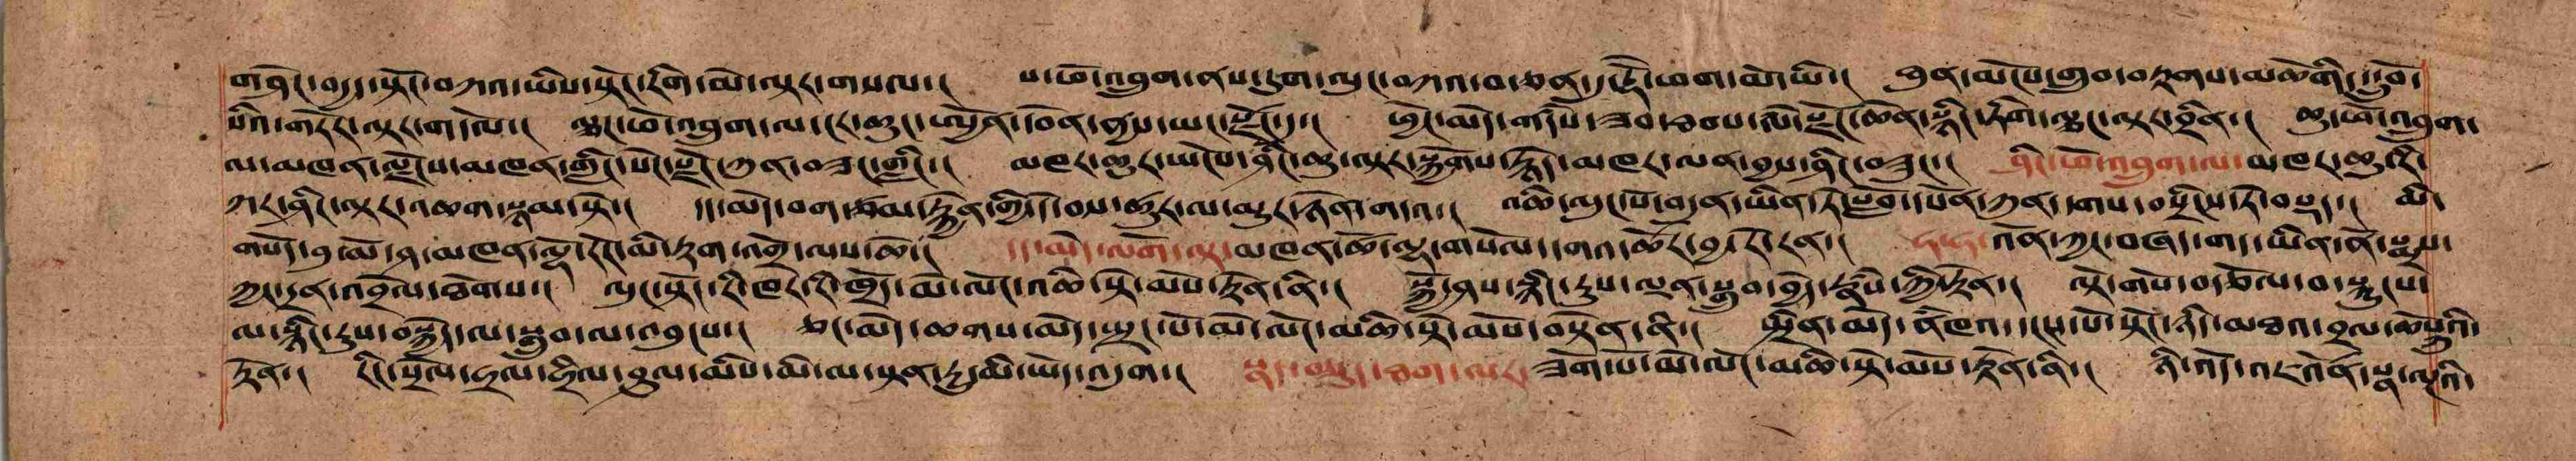གཤོང་བརྒྱད་སྟོང་བཀའ་ཡིས་སྟོང་རིག་མེ་ལྟར་གསལ། ས་ཕོ་འབྲུག་ནས་དུག་ལུང་བཀའ་བ་ཅན་དུ་རྡོ་རྗེ་ཕག་མོ་ཡི། ཐུན་མོངས་གྲུབ་བརྟགས་མཆོག་གིས་དངོས་གྲུབ་
པའི་གཏེར་ལྟར་གདོལ། ལྕགས་ཕོ་འབྲུག་ལ་ངར་ཆུང་ཨོ་རྒྱན་དབེན་གནས་ཡང་རྫོང་དུ། ཕྱོགས་མེད་གདམས་ཟབ་ཐབས་ལེ་རྫོགས་ཆེན་སྙིང་ཏིག་ལྕགས་ལྟར་བྲིན། ཆུ་ཕོ་འབྲུག་
ལ་མཁན་ལྗོངས་མཁན་གླིང་སེང་རྫོང་ཀུན་བཟང་གླིང་། མཁར་ཆུར་ཡོངས་ཤིང་ཆུ་ལྟར་སྐྱོགས་རྙེད་མཁར་ལན་བྱས་ཤིང་བཟུང་། ཤིང་ཕོ་འབྲུག་ལ་མཁར་ཆུ་རི་
ཀར་ཤིང་ལྟར་འཆག་སྙམ་སྟེ། དད་མེད་བག་ཙམ་རྐྱེན་གྱི་དེ་བས་ཚུར་མ་མྱུར་ཉོན་གདའ། འཆི་ལུང་པོ་བདུན་ཡིན་ཏེ་སློབ་དཔོན་ཀུན་དགས་བསྲིངས་ཏེ་བསྡད། མི་
གསོད་བུ་མོ་ཤ་མཁན་ལྷོ་རོང་མི་རྟག་འགྲོ་ལས་ཆེ། དད་མེད་ལོག་ལྟ་མཁན་ཚེ་ལྷ་གསོལ་དགའ་ཚོར་བྱ་རོ་རན་། ཧ་ཧ་འོན་ཀྱང་བཞད་གད་ཡིན་ནོ་སྨྲས་
ཀྱང་དྲན་འབྲེལ་ཐོགས། ལུང་སྟོད་རི་ཁར་རི་ཁྲོད་མེ་ལོང་འཆི་སྟེ་མོས་རྟེན་ནི། སྐྱོ་ཤས་སྙིང་རུས་ལྡན་སྒྲུབ་བྱེད་རྣམས་ཀྱི་རྟེན། ལྟོ་གོས་བརྩོལ་བ་སྙུངས་
ལ་སྙིང་རུས་བསྐྱེད་ལ་སྒྲུབ་ལ་འབུངས། ཅང་མེད་ཆགས་མེད་སྤྲང་པོ་མེ་ལོང་མཆི་སྟེ་མོས་བསྟེན་ནི། སྤྲིན་མེད་ནམ་མཁའ་དངངས་པོ་སྟོང་ཉིིད་མཐའ་བྲལ་ཆོས་སྐུའི་
རྟེན། རིང་སྲེལ་ཧྲལ་ཧྲིལ་ཤུལ་མིས་མི་ལ་སྟན་དྱུ་མི་ཡོད་འདུག། སྣང་བཅུད་ཐག་མར་ཟོག་པོ་མེ་ལོང་མཆི་སྟེ་མོས་རྟེན་ནི། ཉི་འོད་འཇའ་ཚོན་སྣ་ལྔའི་